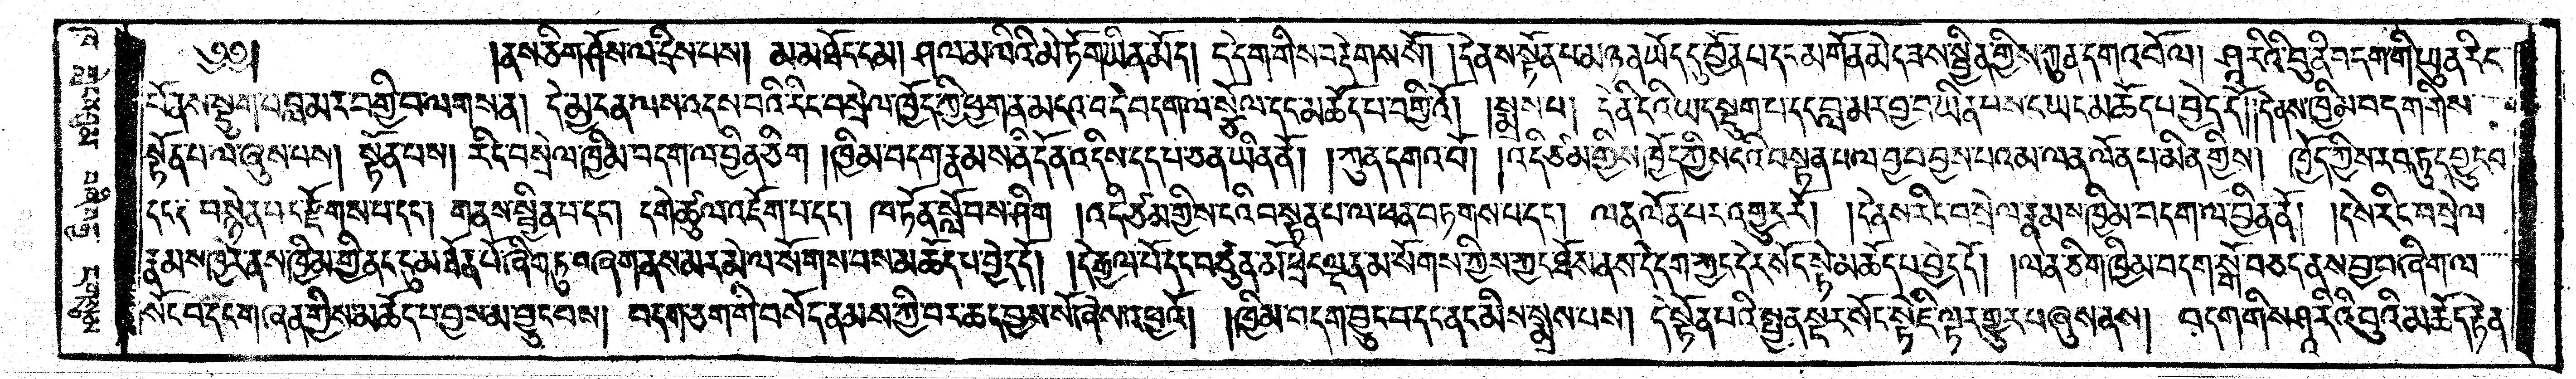༄༅། །ནས་ཅིག་ཤོས་ལ་དྲིས་པས། མ་མཐོང་ངམ། ཤལ་མ་ལིའི་མེ་ཏོག་ཡིན་མོད། དེ་དག་གིས་བརྡེགས་སོ། །དེ་ནས་སྟོན་པ་མཉན་ཡོད་དུ་བྱོན་པ་དང་མགོན་མེད་ཟས་སྦྱིན་གྱིས་ཀུན་དགའ་བོ་ལ། ཤཱ་རིའི་བུ་ནི་བདག་གི་ཡུན་རིང་
པོ་ནས་སྡུག་པ་བླ་མར་བགྱི་བ་ལགས་ན། དེ་མྱ་ངན་ལས་འདས་པའི་རིང་བསྲེལ་ཁྱོད་ཀྱི་ཕྱག་ན་མངའ་བ་དེ་བདག་ལ་སྩོལ་དང་མཆོད་པ་བགྱིའོ། །སྨྲས་པ། དེ་ནི་ངའི་ཡང་སྡུག་པ་དང་བླ་མར་བྱ་བ་ཡིན་པས་ང་ཡང་མཆོད་པ་བྱེད་དོ། །དེ་ནས་ཁྱིམ་བདག་གིས་
སྟོན་པ་ལ་ཞུས་པས། སྟོན་པས། རིང་བསྲེལ་ཁྱིམ་བདག་ལ་བྱིན་ཅིག །ཁྱིམ་བདག་རྣམས་ནི་དོན་འདིས་དད་པ་ཅན་ཡིན་ནོ། །ཀུན་དགའ་བོ། །འདི་ཙམ་གྱིས་ཁྱོད་ཀྱིས་ངའི་བསྟན་པ་ལ་བྱ་བ་བྱས་པའམ་ལན་ལོན་པ་མིན་གྱིས། ཁྱོད་ཀྱིས་རབ་ཏུ་དབྱུང་བ་
དང༑ བསྙེན་པར་རྫོགས་པ་དང་། གནས་སྦྱིན་པ་དང་། དགེ་ཚུལ་འཇོག་པ་དང་། ཁ་ཏོན་སློབས་ཤིག །འདི་ཙམ་གྱིས་ངའི་བསྟན་པ་ལ་ཕན་བཏགས་པ་དང་། ལན་ལོན་པར་འགྱུར་རོ། །དེ་ནས་རིང་བསྲེལ་རྣམས་ཁྱིམ་བདག་ལ་བྱིན་ནོ། །དེས་རིང་བསྲེལ་
རྣམས་ཁྱེར་ནས་ཁྱིམ་གྱི་ནང་དུ་མཐོན་པོ་ཞིག་ཏུ་བཞག་ནས་མར་མེ་ལ་སོགས་པས་མཆོད་པ་བྱེད་དོ། །དེ་རྒྱལ་པོ་དང་བཙུན་མོ་ཕྲེང་ལྡན་མ་སོགས་ཀྱིས་ཀྱང་ཐོས་ནས་དེ་དག་ཀྱང་དེར་སོང་སྟེ་མཆོད་པ་བྱེད་དོ། །ལན་ཅིག་ཁྱིམ་བདག་སྒོ་བཅད་ནས་བྱ་བ་ཞིག་ལ་
སོང་བ་དང་གཞན་གྱིས་མཆོད་པ་བྱས་མ་བྱུང་བས། བདག་ཅག་གི་བསོད་ནམས་ཀྱི་བར་ཆད་བྱས་སོ་ཞེས་འཕྱའོ། །ཁྱིམ་བདག་བྱུང་བ་དང་ནང་མིས་སྨྲས་པས། དེ་སྟོན་པའི་སྤྱན་སྔར་སོང་སྟེ་ཇི་ལྟར་གྱུར་པ་ཞུས་ནས། བདག་གིས་ཤཱ་རིའི་བུའི་མཆོད་རྟེན་